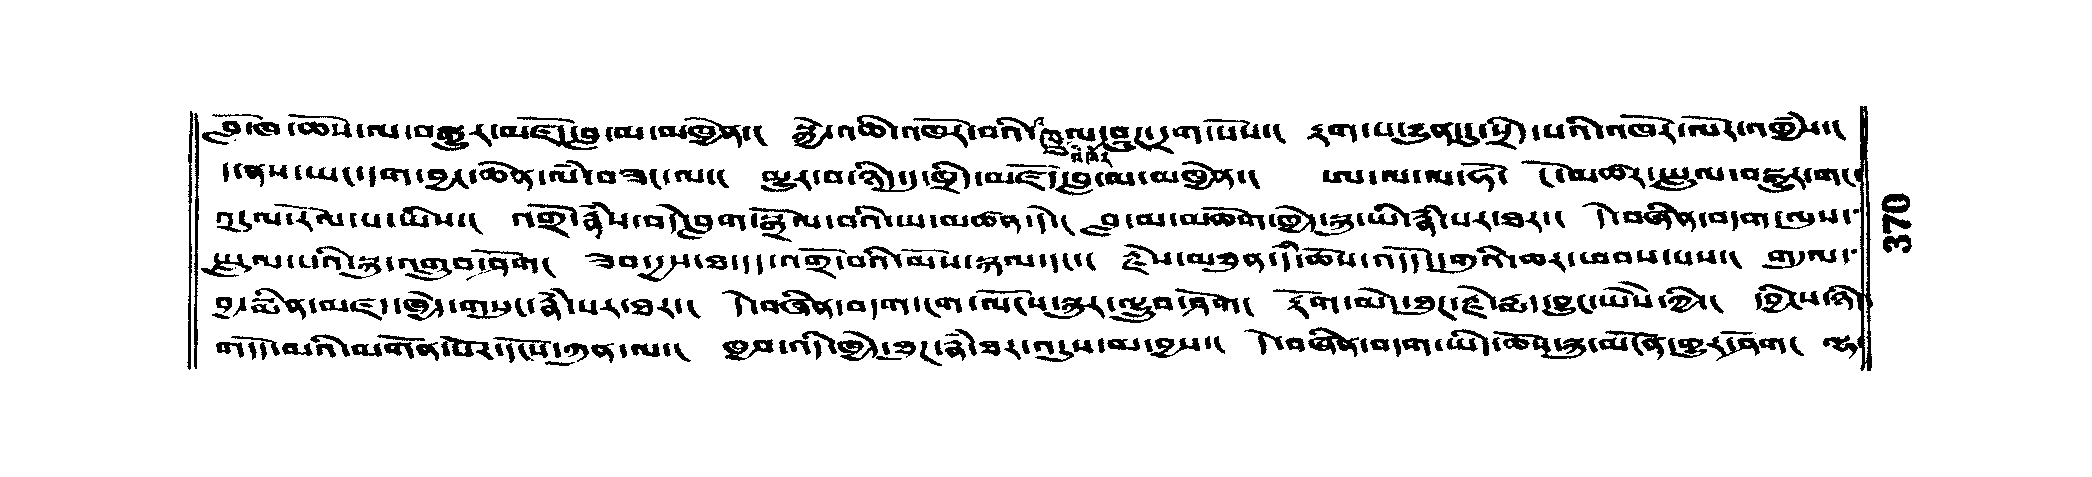།བློ་ཁ་ཆོས་ལ་བསྒྱུར་མཛོད་བླ་མ་མཁྱེན། །སྐྱེ་འཆི་འཁོར་བའི་འཁྲུལ་འཁོར་ཤུགས་དྲག་པོས། །རྟག་པ་རྒྱུན་དུ་སྲིད་པའི་འཁོར་ལོར་འཁྱམས། །
ད་ནས་ཡང་དག་བྱང་ཆེན་ལམ་བཟང་ལ། །མྱུར་བ་ཉིད་དུ་ཁྲིད་མཛོད་བླ་མ་མཁྱེན། །ཨ་ལ་ལ་ཧོ། ངོ་མཚར་སྤྲུལ་བསྒྱུར་གང་
འདུལ་རོལ་པ་ཡིས། །འགྲོ་རྣམས་བདེ་བླག་སྒྲོལ་བའི་ཡ་མཚན་དེ། །བླ་མ་མཆོག་ཁྱེད་སྐུ་ཡི་རྣམ་པར་ཐར། །དེ་བཞིན་བདག་ལུས་
སྤྲུལ་པའི་སྐུ་འགྲུབ་ཤོག །ཟབ་རྒྱས་ཐ་དད་འགྲོ་བའི་མོས་སྐལ་དང་། །རྗེས་མཐུན་དམ་ཆོས་འདོད་དགུའི་ཆར་ཕབས་པས། །གདུལ་
བྱ་སྨིན་མཛད་ཁྱེད་གསུང་རྣམ་པར་ཐར། །དེ་བཞིན་བདག་ངག་ལོངས་སྐུར་ལྷུན་གྲུབ་ཤོག །རྟོག་མེད་ཐུགས་རྗེ་རྨད་བྱུང་ཡེ་ཤེས་ཀྱི། །དབྱིངས་ཉིད་
གདོད་མའི་མགོན་པོར་དངོས་ཀུན་ལ། །ཁྱབ་འདི་ཁྱེད་ཐུགས་རྣམ་ཐར་འདུས་མ་བྱས། །དེ་བཞིན་བདག་ཡིད་ཆོས་སྐུ་མངོན་གྱུར་ཤོག །ལྷ་